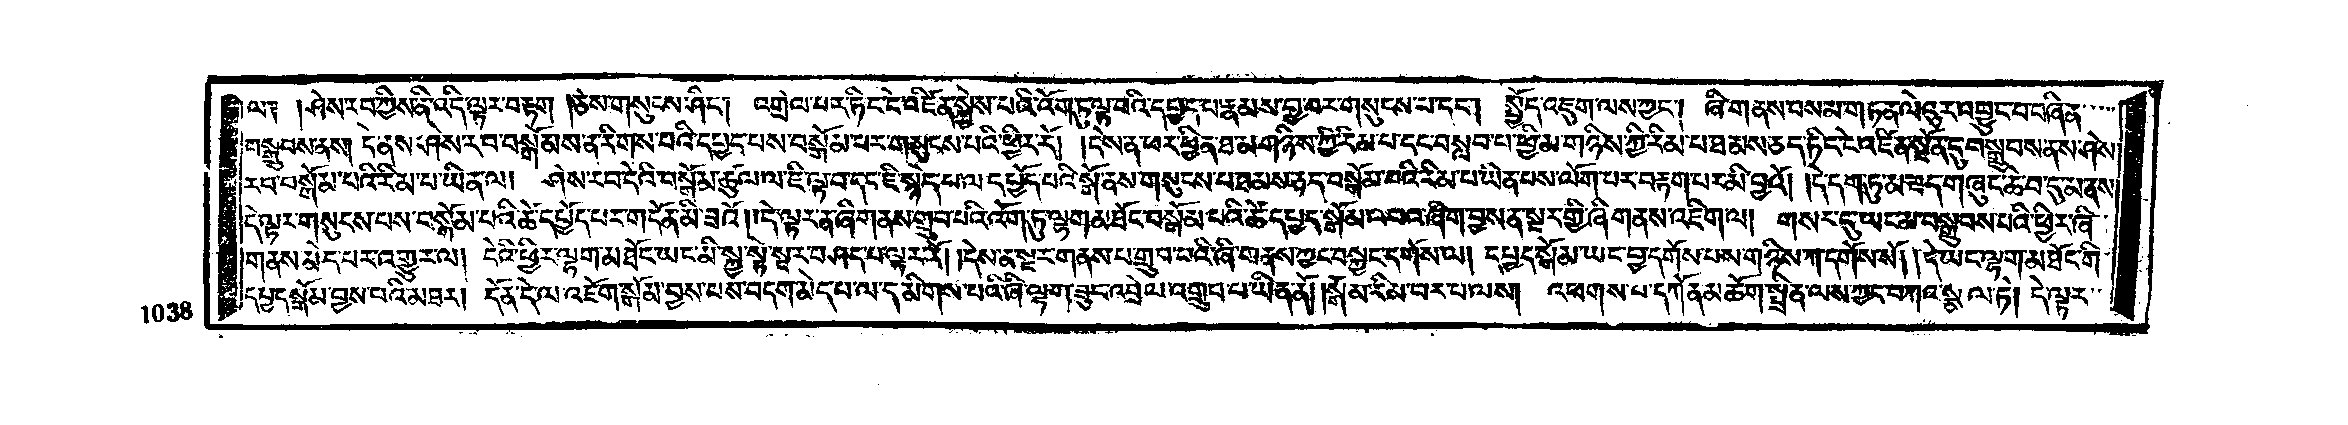ལ༑ ༑ཤེས་རབ་ཀྱིས་ནི་འདི་ལྟར་བརྟག །ཅེས་གསུངས་ཤིང་། འགྲེལ་པར་ཏིང་ངེ་འཛིན་སྐྱེས་པའི་འོག་ཏུ་ལྟ་བའི་དཔྱད་པ་རྣམས་བྱ་བར་གསུངས་པ་དང་། སྤྱོད་འཇུག་ལས་ཀྱང་། ཞི་གནས་བསམ་གཏན་ལེའུར་འབྱུང་བ་བཞིན་
བསྒྲུབས་ནས། དེ་ནས་ཤེས་རབ་བསྒོམ་པ་ན་རིགས་པའི་དཔྱད་པས་བསྒོམ་པར་གསུངས་པའི་ཕྱིར་རོ། །དེས་ན་ཕར་ཕྱིན་ཐ་མ་གཉིས་ཀྱི་རིམ་པ་དང་བསླབ་པ་ཕྱི་མ་གཉིས་ཀྱི་རིམ་པ་ཐམས་ཅད་ཏིང་ངེ་འཛིན་སྔོན་དུ་བསྒྲུབས་ནས་ཤེས་
རབ་བསྒོམ་པའི་རིམ་པ་ཡིན་ལ། ཤེས་རབ་དེའི་བསྒོམ་ཚུལ་ལ་ཇི་ལྟ་བ་དང་ཇི་སྙེད་པ་ལ་དཔྱོད་པའི་སྒོ་ནས་གསུངས་པ་ཐམས་ཅད་བསྒོམ་པའི་རིམ་པ་ཡིན་པས་ལོག་པར་བརྟག་པར་མི་བྱའོ། །དེ་དག་ཏུ་མ་ཟད་གཞུང་ཆེ་བ་དུ་མ་ནས་
དེ་ལྟར་གསུངས་པས་བསྒོམ་པའི་ཚེ་དཔྱོད་པར་གདོན་མི་ཟའོ། །དེ་ལྟར་ན་ཞི་གནས་གྲུབ་པའི་འོག་ཏུ་ལྷག་མཐོང་བསྒོམ་པའི་ཚེ་དཔྱད་སྒོམ་འབའ་ཞིག་བྱས་ན་སྔར་གྱི་ཞི་གནས་འཇིག་ལ། གསར་དུ་ཡང་མ་བསྒྲུབས་པའི་ཕྱིར་ཞི་
གནས་མེད་པར་འགྱུར་ལ། དེའི་ཕྱིར་ལྷག་མཐོང་ཡང་མི་སྐྱེ་སྟེ་སྔར་བཤད་པ་ལྟར་རོ། །དེས་ན་སྔར་གནས་པ་གྲུབ་པའི་ཞི་གནས་ཀྱང་བསྐྱང་དགོས་ལ། དཔྱད་སྒོམ་ཡང་བྱ་དགོས་པས་གཉིས་ཀ་དགོས་སོ། །དེ་ཡང་ལྷག་མཐོང་གི་
དཔྱད་སྒོམ་བྱས་པའི་མཐར། དོན་དེ་ལ་འཇོག་སྒོམ་བྱས་པས་བདག་མེད་པ་ལ་དམིགས་པའི་ཞི་ལྷག་ཟུང་འབྲེལ་འགྲུབ་པ་ཡིན་ནོ། །སྒོམ་རིམ་པར་པ་ལས། འཕགས་པ་དཀོན་མཆོག་སྤྲིན་ལས་ཀྱང་བཀའ་སྩལ་ཏེ། དེ་ལྟར་